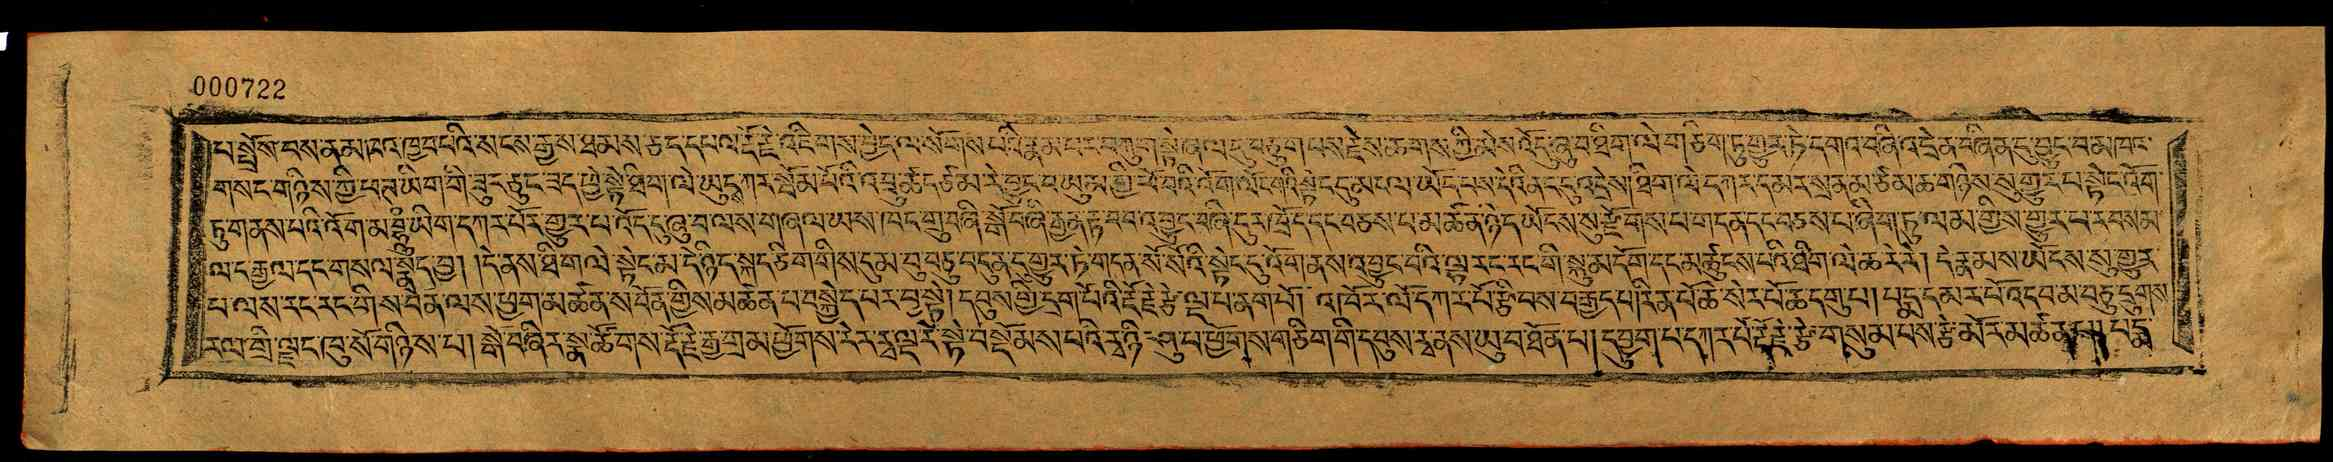པ་སྤྲོས་པས་ནམ་མཁའ་ཁྱབ་པའི་སངས་རྒྱས་ཐམས་ཅད་དཔལ་རྡོ་རྗེ་འཇིགས་བྱེད་ལ་སོགས་པའི་རྣམ་པར་བཀུག་སྟེ་ཞལ་དུ་བཅུག་པས་རྗེས་ཆགས་ཀྱི་མེས་འོད་དུ་ཞུ་བ་ཐིག་ལེ་གཅིག་ཏུ་གྱུར་ཏེ་དགའ་བཞི་འདྲེན་བཞིན་དུ་བྱུང་བ་མཁའ་
གསང་གཉིས་ཀྱི་ཕཊ་ཡིག་གི་ཟུར་ཅུང་ཟད་ཕྱེ་སྟེ་ཐིག་ལེ་ཡུངས་ཀར་སྦོམ་པོའི་འབྲུ་ཚད་ཙམ་རེ་བྱུང་བ་ཡུམ་གྱི་ཕོ་བའི་འོག་ལོང་གའི་སྟེང་དུ་མངལ་ཡོད་པས་དེའི་ནང་དུ་འདྲེས། ཐིག་ལེ་དཀར་དམར་སྲན་མ་ཙམ་ཆ་གཉིས་སུ་གྱུར་པ་སྟེང་འོག་
ཏུ་གནས་པའི་འོག་མ་བྷྲཱུཾ་ཡིག་དཀར་པོར་གྱུར་པ་འོད་དུ་ཞུ་བ་ལས་གཞལ་ཡས་ཁང་གྲུ་བཞི་སྒོ་བཞི་རྒྱན་རྟ་བབ་འབྱུང་བཞི་དུར་ཁྲོད་དང་བཅས་པ་མཚན་ཉིད་ཡོངས་སུ་རྫོགས་པ་གདན་དང་བཅས་པ་ཞིག་ཏུ་ལམ་གྱིས་གྱུར་པར་བསམ་
ལ་ང་རྒྱལ་དང་གསལ་སྣང་བྱ། །དེ་ནས་ཐིག་ལེ་སྟེང་མ་དེ་ཉིད་སྐད་ཅིག་གིས་དུམ་བུ་བཅུ་བདུན་དུ་གྱུར་ཏེ་གདན་སོ་སོའི་སྟེང་དུ་འོག་ནས་འབྱུང་བའི་ལྷ་རང་རང་གི་སྐུ་མདོག་དང་མ་ཚུངས་པའི་ཐིག་ལེ་ཆ་རེ་རེ། དེ་རྣམས་ཡོངས་སུ་གྱུར་
པ་ལས་རང་རང་གི་ས་བོན་ལས་ཕྱག་མཚན་ས་བོན་གྱིས་མཚན་པ་བསྐྱེད་པར་བྱ་སྟེ། དབུས་ཀྱི་དྲག་པོའི་རྡོ་རྗེ་རྩེ་ལྔ་པ་ནག་པོ། འཁོར་ལོ་དཀར་པོ་རྩིབས་བརྒྱད་པ། རིན་པོ་ཆེ་སེར་པོ་ཆ་དགུ་པ། པདམ་དམར་པོ་འདབ་མ་བཅུ་དྲུག་པ་རལ་གྲི་ལྗང་ཁུ་སོ་
གཉིས་པ། སྒོ་བཞིར་སྣ་ཚོགས་རྡོ་རྗེ་རྒྱ་གྲམ་ཕྱོགས་རེར་རྭ་ལྔ་རེ་སྟེ་བསྡོམས་པའི་རྭ་ཉི་ཤུ་པ་ཕྱོགས་གཅིག་གི་དབུས་རྭ་ནས་ཡུ་བ་ཐོན་པ། དབྱུག་པ་དཀར་པོ་རྡོ་རྗེ་རྩེ་གསུམ་པས་རྩེ་མོར་མཚན་པ། པདམ་